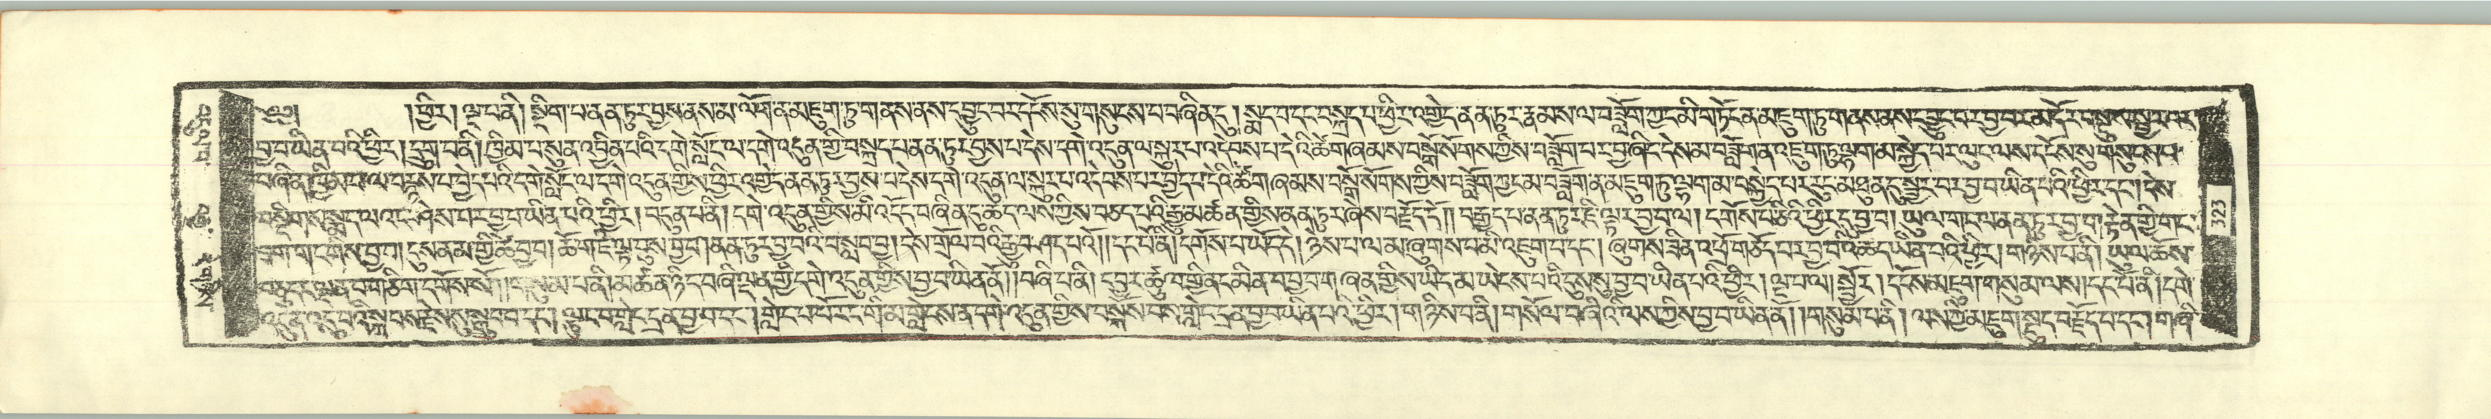༄༅། །ཕྱིར། ལྔ་པ་ནི། སྡིག་པ་ནན་ཏུར་བྱས་ནས་མ་ལོག་ན་མཇུག་ཏུ་གནས་ནས་དབྱུང་བར་དངོས་སུ་གསུངས་པ་བཞིན་དུ། སྨད་པ་དང་བསྐྲད་པ་ཕྱིར་འགྱེད་ནན་ཏུར་རྣམས་ལ་བཟློག་ཀྱང་མི་གཏོང་ན་མཇུག་ཏུ་གནས་ནས་དབྱུང་བར་བྱ་བར་མདོར་བསྡུས་སྦྱར་བར་
བྱ་བ་ཡིན་པའི་ཕྱིར། དྲུག་པ་ནི། ཁྱིམ་པ་སུན་འབྱིན་པའི་དགེ་སློང་ལ་དགེ་འདུན་གྱི་བསྐྲད་པ་ནན་ཏུར་བྱས་པ་དེས་དགེ་འདུན་ལ་སྐུར་པ་འདེབས་པ་དེའི་ཚེ་གཞམས་བསྒོ་སོགས་ཀྱིས་བཟློག་པར་བྱ་ཞིང་དེས་མ་བཟློག་ན་འཇུག་ཏུ་ལྷག་མ་སྐྱེད་པར་ལུང་ལས་དངོས་སུ་གསུངས་པ་
བཞིན་ཁྱིམ་པ་ལ་བརྙས་པ་བྱེད་པའི་དགེ་སློང་ལ་དགེ་འདུན་གྱིས་ཕྱིར་འགྱེད་ནན་ཏུར་བྱས་པ་དེས་དགེ་འདུན་ལ་སྐུར་པ་འདེབས་པར་བྱེད་པ་དེའི་ཚེ་གཞམས་བསྒོ་སོགས་ཀྱིས་བཟློག་ཀྱང་མ་བཟློག་ན་མཇུག་ཏུ་ལྷག་མ་བསྐྱེད་པར་རུང་མཐུན་དུ་སྦྱར་བར་བྱ་བ་ཡིན་པའི་ཕྱིར་དང་། དེས་
བསྡིགས་སྨད་ལའང་ཤེས་པར་བྱ་བ་ཡིན་པའི་ཕྱིར། བདུན་པ་ནི། དགེ་འདུན་གྱིས་མི་འདོད་བཞིན་དུ་ཆད་ལས་ཀྱིས་བཅད་པའི་རྒྱུ་མཚན་གྱིས་ནན་ཏུར་ཞེས་བརྗོད་དོ། །བརྒྱད་པ་ནན་ཏུར་ཇི་ལྟར་བྱ་བ་ལས། དགོས་པ་ཅིའི་ཕྱིར་དུ་བྱ་བ། ཡུལ་གང་ལ་ནན་ཏུར་བྱ་བ། རྟེན་གྱི་གང་
ཟག་གང་གིས་བྱ་བ། དུས་ནམ་གྱི་ཚེ་བྱ་བ། ཆོ་ག་ཇི་ལྟ་བུས་བྱ་བ། ནན་ཏུར་བྱ་བའི་བསླབ་བྱ། དེས་གྲོལ་བའི་རྒྱུ་བཤད་པའོ། །དང་པོ་ནི། དགོས་པ་ཡོད་དེ། ཉེས་པ་ལམ་ཞུགས་པ་མི་འཇུག་པ་དང་། ཞུགས་ཟིན་འཕྲོ་གཅོད་པར་བྱ་བའི་ཆད་ཡིན་པའི་ཕྱིར། གཉིས་པ་ནི། ཡུལ་ཆོས་
བཅུ་དང་ལྡན་པ་གཅིག་དགོས་སོ། །གསུམ་པ་ནི། མཚན་ཉིད་བཞི་ལྡན་གྱི་དགེ་འདུན་གྱིས་བྱ་བ་ཡིན་ནོ། །བཞི་པ་ནི། དབྱར་ཚུལ་གྱི་ནང་མིན་པ་བྱ་བ་གཞན་གྱིས་ཡིད་མ་ཡེངས་པའི་དུས་སུ་བྱ་བ་ཡིན་པའི་ཕྱིར། ལྔ་པ་ལ། སྦྱོར། དངོས་མཇུག་གསུམ་ལས། དང་པོ་ནི། དགེ་
འདུན་འདུ་བའི་སྐབས་རྗེས་སུ་སྒྲུབ་པ་དང་། ལྟུང་བ་གླེང་དྲན་བྱ་བ་དང་། གླེང་པ་པོ་རང་གི་མ་གླེངས་ན་དགེ་འདུན་གྱིས་བསྐོས་བས་གླེང་དྲན་བྱ་བ་ཡིན་པའི་ཕྱིར། གཉིས་པ་ནི། གསོལ་བཞིའི་ལས་ཀྱིས་བྱ་བ་ཡིན་ནོ། །གསུམ་པ་ནི། ལས་ཀྱི་མཇུག་སྡུད་བརྗོད་པ་དང་། གཞི་